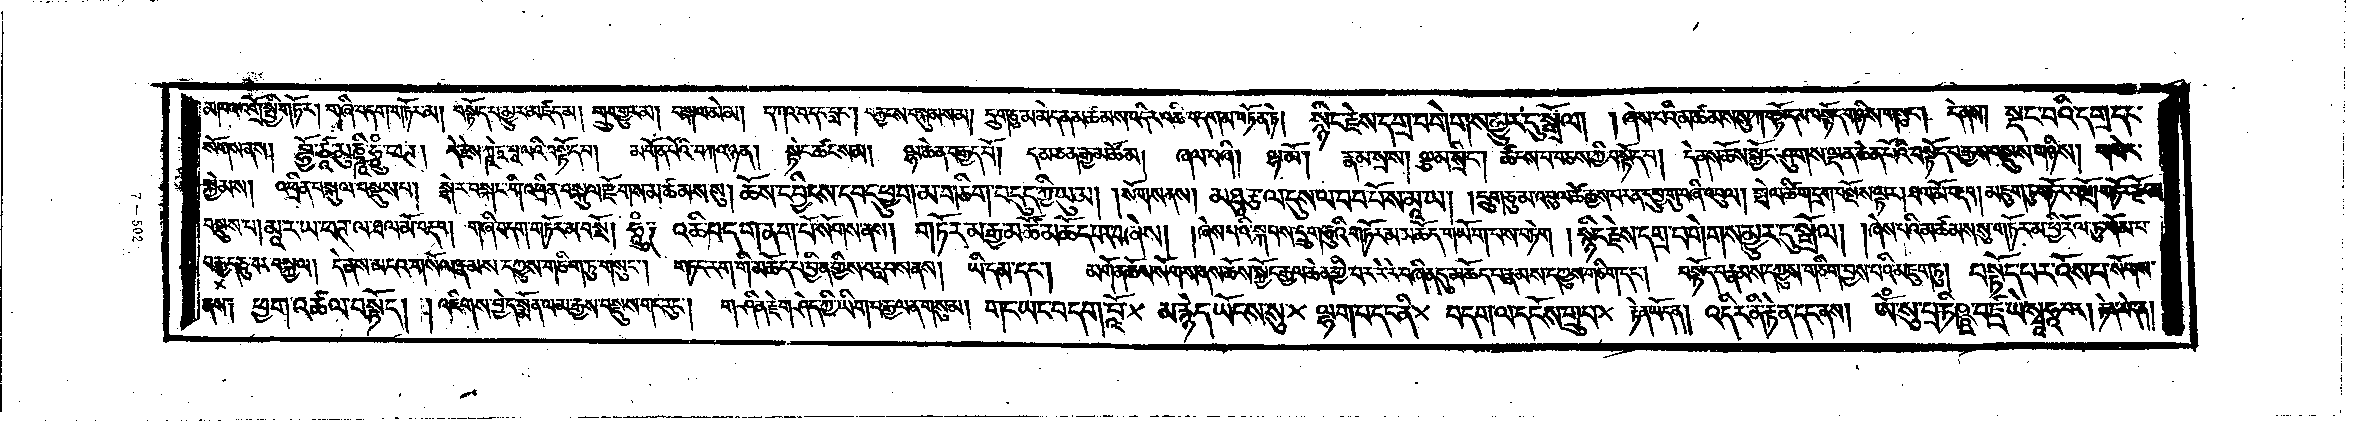མཁའ་འགྲོ་སྤྱི་གཏོར། གཞི་བདག་གཏོར་མ། བསྟོད་པ་མྱུར་མཛད་པ། གྲུབ་གྱུར་མ། བསྐལ་མེ་མ། དཀའ་བ་དང་བླང་། བརྐྱངས་བསྐུམས་མ། དྲུག་ཅུ་མ་མེད་ན་མཚམས་འདིར་འཆི་བདག་མ་བཏོན་ཏེ། སྙིང་རྗེས་དགྲ་བགེགས་མྱུར་དུ་སྒྲོལ། །ཞེས་པའི་མཚམས་སུ་ཀ་བསྟོད་མ་བསྟོད་གཉིས་གསུང་། དེ་ནས།  སྡང་བའི་དགྲ་དང་
སོགས་ནས། བྷྱོ་ཙཱ་མུཎྜཱི་ཧཱུཾ་ཕཊ། དེ་རྗེས་ཀྴེཏྲ་པཱ་ལའི་བསྟོད་པ། མགོན་པོའི་བཀའ་ཉན། སྟེང་ཚང་སམ། ལྷ་ཆེན་བརྒྱད་པོ། དམ་ཅན་རྒྱ་མཚོ་མ། ཞལ་བཞི། ལྷ་མོ། རྣམ་སྲས། ལྕམ་སྲིང་། ཚངས་པ་བཅས་ཀྱི་བསྟོད་པ། དེ་ནས་ཆོས་སྐྱོང་ཤུགས་ལྡན་ཆེན་པོའི་བསྟོད་པ་རྒྱས་བསྡུས་གཉིས། གསེར་
སྐྱེམས། འཕྲིན་བསྐུལ་བསྡུས་པ། སྒེར་བསྐང་གི་འཕྲིན་བསྐུལ་རྫོགས་མཚམས་སུ། ཆོས་དབྱིངས་དབང་ཕྱུག་མ་གཅིག་བདུད་ཀྱི་ཡུམ། །སོགས་ནས།  མཐུ་རྩལ་དུས་ལ་བབ་པོས་མཱ་ཡ། །དྲུག་ཅུ་མ་འུབལ་ཆོ་རྒྱས་པར་ན་དབྱུ་བུ་བཞི་འབུལ། སྤེལ་ཚིག་དྲག་བསྔོས་ལྟར། ཐལ་མོ་བརྡའ། མཇུག་ལྕག་ཏོར་བསྔོ། གཏོར་རྫོངས་
བསྡུས་པ། མཱ་ར་ཡ་ཕཊ་ལ་ཐལ་མོ་བརྡབ། གཞི་བདག་གཏོར་མ་བསྔོ།  ཧཱུཾ༑ འཆི་བདག་ནག་པོ་སོགས་ནས།  གཏོར་མ་རྒྱ་མཚོ་མཆོད་པར་བཞེས། །ཞེས་པའི་སྐབས་དྲུག་ཅུའི་གཏོར་མ་མཆོད་གཡོག་པས་བཏེག་།སྙིང་དགྲ་བགེགས་མྱུར་དུ་སྒྲོལ། །ཞེས་པའི་མཚམས་སུ་གཏོར་མ་ཕྱི་རོལ་ཏུ་གོམ་པ་
བརྒྱུད་ཅུ་པར་བསྐྱལ། དེ་ནས་མངའ་གསོལ་རྣམས་དཀྱུས་གཅིག་ཏུ་གསུང་། གཏང་རག་གི་མཆོད་པ་བྱིན་གྱིས་བརླབས་ནས། ཡི་དམ་དང་། མགོན་ཆོས་སོགས་ནས་ཆོས་སྐྱོང་རྒྱལ་ཆེན་གྱི་བར་རེ་རེ་བཞིན་དུ་མཆོད་པ་རྣམས་དཀྱུས་གཅིག་དང་། བསྟོད་པ་རྣམས་དཀྱུས་གཅིག་བྱས་པའི་མཇུག་ཏུ། བསྟོད་པར་འོས་པ་སོགས་
ནས༑ ཕྱག་འཚལ་བསྟོད། །འཇིགས་བྱེད་སྨོན་ལམ་རྒྱས་བསྡུས་གང་རུང་། གཤིན་རྗེ་གཤེད་ཀྱི་ཡིག་བརྒྱ་ལན་གསུམ།  གང་ཡང་བདག་བློ་྾་མ་རྙེད་ཡོངས་སུ་྾་ལྷག་པ་དང་ནི་྾་བདག་ལ་དངོས་གྲུབ་྾་རྟེན་ཡོད་ན།  འདིར་ནི་རྟེན་དང་ནས། ཨོཾ་སུ་པྲཏཱིཥཊཿཨ་བཛྲ་ཡེ་སྭཱཧཱ་བར། རྟེན་མེད་ན།